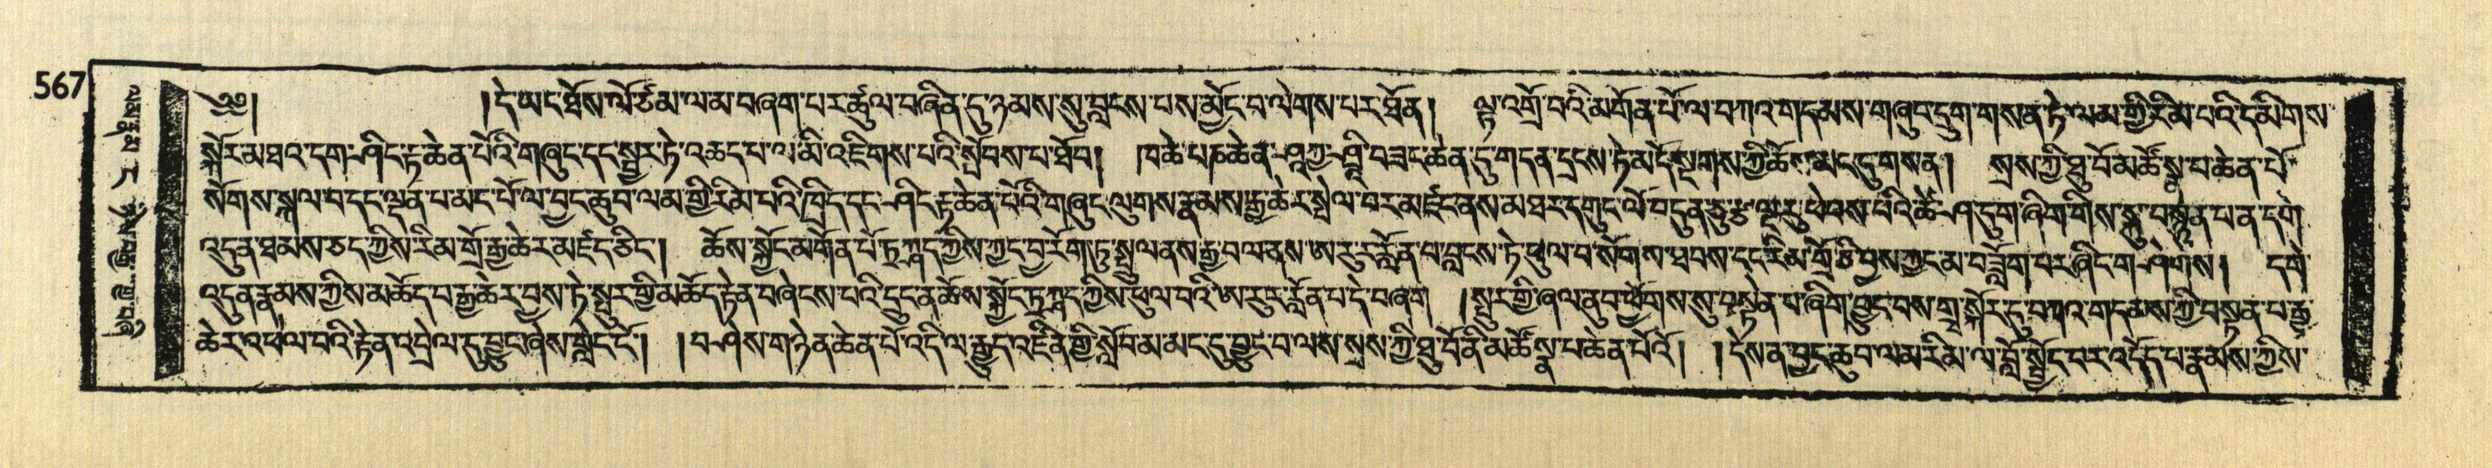༄༅། །དེ་ཡང་ཐོས་ལོ་ཙམ་ལ་མ་བཞག་པར་ཚུལ་བཞིན་དུ་ཉམས་སུ་བླངས་པས་མྱོང་བ་ལེགས་པར་ཐོན། ལྟ་འགྲོ་བའི་མགོན་པོ་ལ་བཀའ་གདམས་གཞུབ་དྲུག་གསན་ཏེ་ལམ་གྱི་རིམ་པའི་དམིགས་
སྐོར་མཐའ་དག་ཤིང་རྟ་ཆེན་པོའི་གཞུང་དང་སྦྱར་ཏེ་འཆད་པ་ལ་མི་འཇིགས་པའི་སྤོབས་པ་ཐོབ། ཁ་ཆེ་པཎ་ཆེན་ཤཱཀྱ་ཤྲཱི་བཟང་ཆེན་དུ་གདན་དྲངས་ཏེ་མདོ་སྔགས་ཀྱི་ཆོས་མང་དུ་གསན། སྲས་ཀྱི་ཐུ་བོ་མཚོ་སྣ་བ་ཆེན་པོ་
སོགས་སྐལ་བ་དང་ལྡན་པ་མང་པོ་ལ་བྱང་ཆུབ་ལམ་གྱི་རིམ་པའི་ཁྲིད་དང་ཤིང་རྟ་ཆེན་པོའི་གཞུང་ལུགས་རྣམས་རྒྱ་ཆེར་སྤེལ་བར་མཛད་ནས་མཐར་དགུང་ལོ་བདུན་ཅུ་རྩ་ལྔར་རུ་ཕེབས་པའི་ཚེ་ཤ་དུག་ཞིག་གིས་སྐུ་བསྙུན་པ་ན་དགེ་
འདུན་ཐམས་ཅད་ཀྱིས་རིམ་གྲོ་རྒྱ་ཆེར་མཛད་ཅིང་། ཆོས་སྐྱོང་མགོན་པོ་ཏྲཀྴད་ཀྱིས་ཀྱང་བྱ་རོག་ཏུ་སྤྲུལ་ནས་རྒྱ་བལ་ནས་ཨ་རུར་རློན་པ་བླངས་ཏེ་ཕུལ་བ་སོགས་ཐབས་དང་རིམ་གྲོ་ཅི་བྱས་ཀྱང་མ་བཟློག་པར་ཞིང་གཤེགས། དགེ་
འདུན་རྣམས་ཀྱིས་མཆོད་པ་རྒྱ་ཆེར་བྱས་ཏེ་སྤུར་གྱི་མཆོད་རྟེན་བཞེངས་པའི་དྲུང་ན་ཆོས་སྐྱོང་ཏྲཀྴད་ཀྱིས་ཕུལ་བའི་ཨ་རུར་རློན་པ་དེ་བཞག །སྤུར་གྱི་ཞལ་ནུབ་ཕྱོགས་སུ་བསྟེན་པ་ཞིག་བྱུང་བས་གྲྭ་སྐོར་དུ་བཀའ་གདམས་ཀྱི་བསྟན་པ་རྒྱ་
ཆེར་འཕེལ་བའི་རྟེན་འབྲེལ་དུ་བྱུང་ཞེས་གླེང་ངོ། །བཤེས་གཉེན་ཆེན་པོ་འདི་ལ་རྒྱུད་འཛིན་གྱི་སློབ་མ་མང་དུ་བྱུང་བ་ལས་སྲས་ཀྱི་ཐུ་བོ་ནི་མཚོ་སྣ་པ་ཆེན་པོའོ། །དེས་ན་བྱང་ཆུབ་ལམ་རིམ་ལ་བློ་སྦྱོང་བར་འདོད་པ་རྣམས་ཀྱིས་